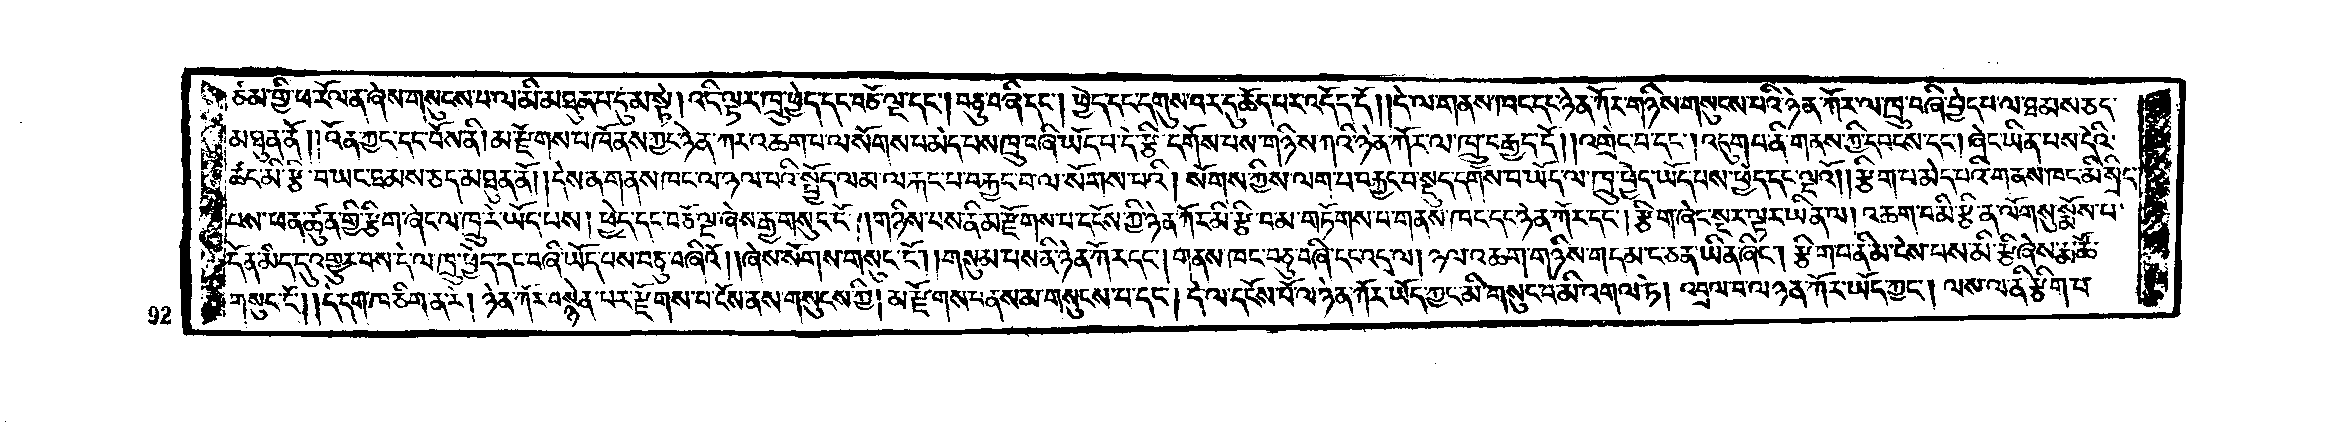ཙམ་གྱི་ཕ་རོལ་ན་ཞེས་གསུངས་པ་ལ་མི་མཐུན་པ་དུ་མ་སྟེ། འདི་ལྟར་ཁྲུ་ཕྱེད་དང་བཅོ་ལྔ་དང་། བཅུ་བཞི་དང་། ཕྱིད་དང་དགུས་བར་དུ་ཆོད་པར་འདོད་དོ། །དེ་ལ་གནས་ཁང་དང་ཉེན་ཀོར་གཉིས་གསུངས་པའི་ཉེན་ཀོར་ལ་ཁྲུ་བཞི་ཕྱེད་པ་ལ་ཐམས་ཅད་
མཐུན་ནོ། །འོན་ཀྱང་དང་པོས་ནི། མ་རྫོགས་པ་ཁོ་ནས་ཀྱང་ཉན་ཀར་འཆག་པ་ལ་སོགས་པ་མེད་པས་ཁྲུ་བཞི་ཡོད་པ་དེ་རྩི་དགོས་པས་གཉིས་ཀའི་ཉེན་ཀོར་ལ་ཁྲུ་བརྒྱད་དོ། །འགྲེང་བ་དང་། འདུག་པ་ནི་གནས་ཀྱི་དཔངས་དང་། ཞེང་ཡིན་པས་དེའི་
ཚད་མི་རྩི་བ་ཡང་ཐམས་ཅད་མཐུན་ནོ། །དེས་ན་གནས་ཁང་ལ་ཉལ་པའི་སྤྱོད་ལམ་ལ་རྐང་པ་བརྐྱང་བ་ལ་སོགས་པའི། སོགས་ཀྱིས་ལག་པ་བརྐྱང་བ་སྡུད་དགོས་པ་ཡོད་ལ་ཁྲུ་ཕྱེད་ཡོད་པས་ཕྱེད་དང་ལྔའོ། །རྩིག་པ་མེད་པའི་གནས་ཁང་མི་སྲིད་
པས་ཕན་ཚུན་གྱི་རྩིག་ཞེང་ལ་ཁྲུ་རེ་ཡོད་པས། ཕྱེད་དང་བཅོ་ལྔ་ཞེས་རྒྱ་གསུང་ངོ། །གཉིས་པས་ནི་མ་རྫོགས་པ་དངོས་ཀྱི་ཉེན་ཀོར་མི་རྩི་བ་མ་གཏོགས་པ་གནས་ཁང་དང་ཉེན་ཀོར་དང་། རྩིག་ཞེང་སྔར་ལྟར་ཡིན་ལ། འཆག་པ་མི་རྩི་ན་ལོགས་སུ་སྨོས་པ་
དོན་མེད་དུ་འགྱུར་བས་དེ་ལ་ཁྲུ་ཕྱེད་དང་བཞི་ཡོད་པས་བཅུ་བཞིའོ། །ཞེས་སོགས་གསུང་ངོ། །གསུམ་པས་ནི་ཉེན་ཀོར་དང་། གནས་ཁང་བཅུ་བཞི་དང་འདྲ་ལ། ཉལ་འཆག་གཉིས་གདམ་ང་ཅན་ཡིན་ཞིང་། རྩིག་པ་ནི་མ་ངེས་པས་མི་རྩི་ཞེས་རྨ་ཚོ་
གསུང་ངོ། །དེ་དག་ཁ་ཅིག་ན་རེ། ཉེན་ཀོར་བསྙེན་པར་རྫོགས་པ་ངོས་ནས་གསུངས་ཀྱི། མ་རྫོགས་པ་ནས་མ་གསུངས་པ་དང་། དེ་ལ་དངོས་པོ་ལ་ཉེན་ཀོར་ཡོད་ཀྱང་མི་གསུང་བ་མི་འགལ་ཏེ། འབྲལ་བ་ལ་ཉན་ཀོར་ཡོད་ཀྱང་། ལས་ལ་ནི་རྩིག་པ་